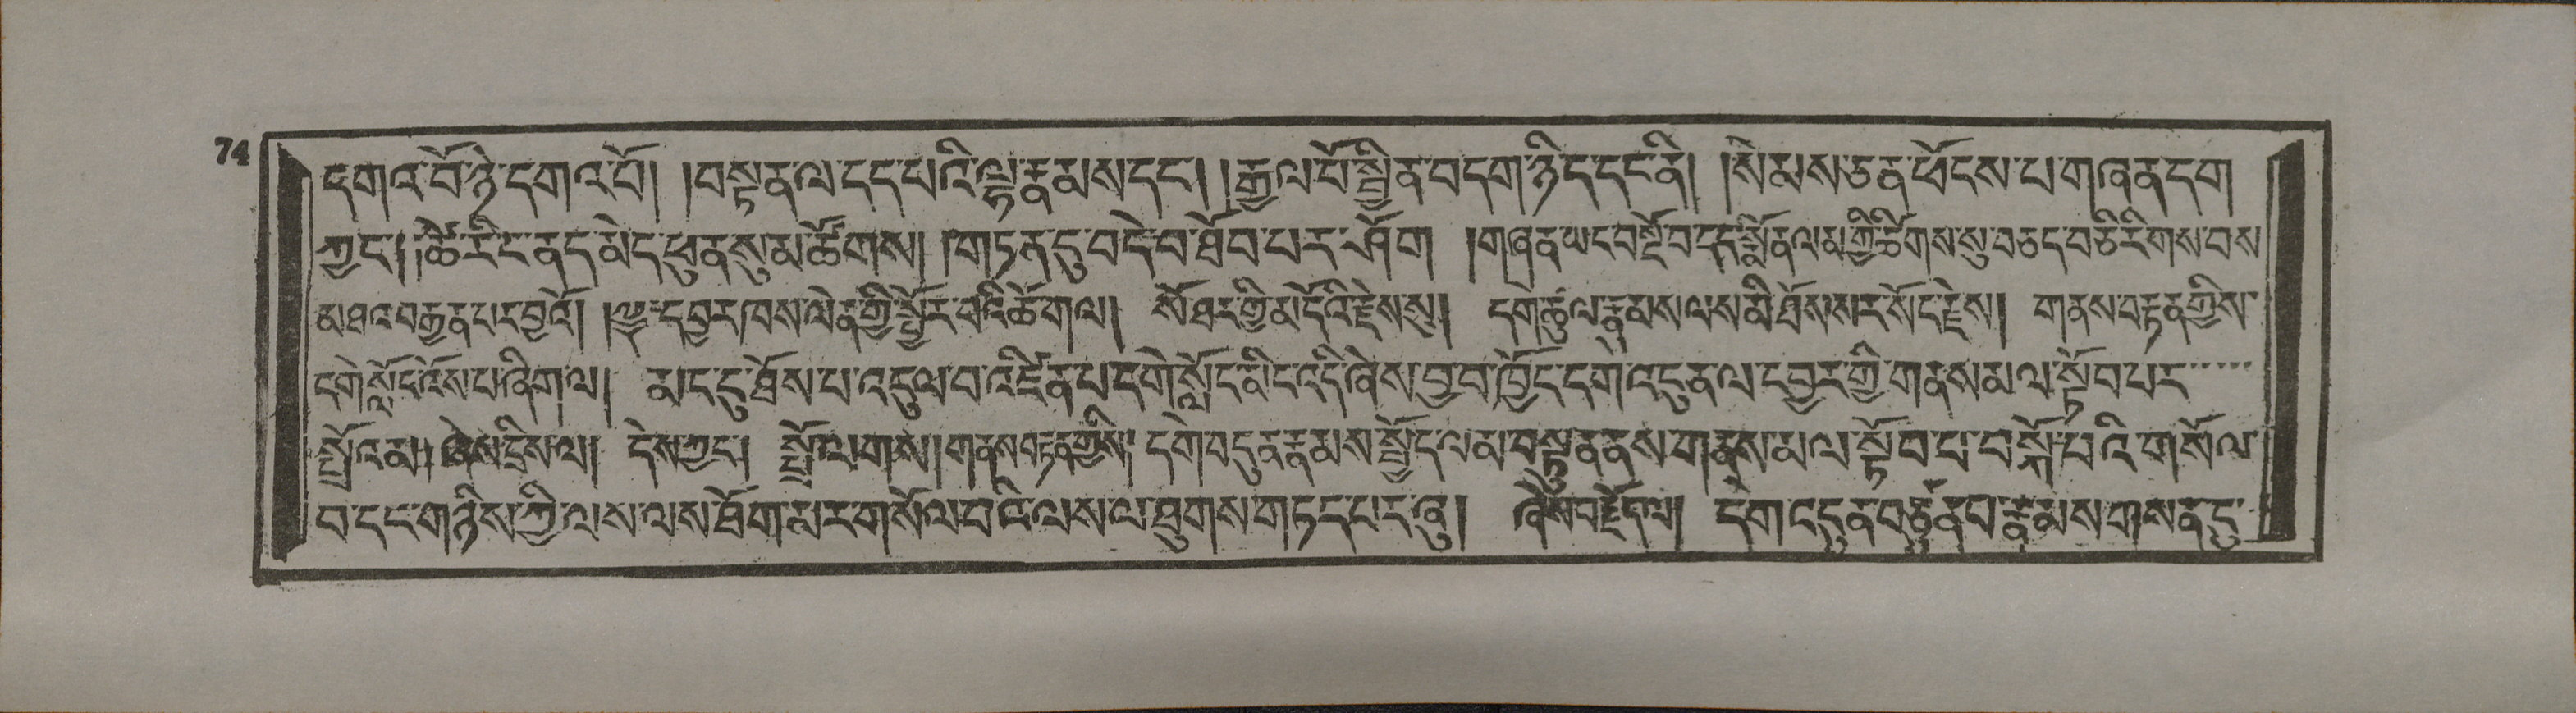དགའ་བོ་ཉེ་དགའ་པོ། །བསྟན་ལ་དད་པའི་ལྷ་རྣམས་དང་། །རྒྱལ་པོ་སྦྱིན་བདག་ཉིད་དང་ནི། །སེམས་ཅན་ཕོངས་པ་གཞན་དག་
ཀྱང་། །ཚེ་རིང་ནད་མེད་ཕུན་སུམ་ཚོགས། །གཏན་དུ་བདེ་བ་ཐོབ་པར་ཤོག །གཞན་ཡང་བསྔོ་བ་དང་སྨོན་ལམ་གྱི་ཚིགས་སུ་བཅད་བཅི་རིགས་པས་མཐའ་བརྒྱན་པར་བྱའོ། །
ས྾ME་྾F་ཊཿE་VEརསEས་ཨཱཌྜEཌ་HEརE་བཡ་ཀཿEཎ་རྀཎཔ྾ཅཿE་ཨྀཎཅླཱུཌEH
།ཕན་བདེའི་འབྱུང་གནས་བསྟན་པ་དར་ཞིང་རྒྱས། །བསྟན་འཛིན་སྐྱེས་བུ་ཐམས་ཅད་སྐུ་ཁམས་བཟང་། །ལུས་ཅན་ཀུན་ལ་བདེ་སྐྱིད་འབྱུང་བའི་གནས། །སངས་རྒྱས་བརྟེན་པ་རྟག་ཏུ་རྒྱས་གྱུར་ཅིག ། །ཡངས་པའི་རྒྱལ་ཁམས་སྤྱི་དང་ཡུལ་ལྗོངས་འདིར། །ནད་མུག་འཁྲུག་རྩོད་ལ་སོགས་མི་འབྱུང་ཞིང་། །འགྲོ་ནམས་ཆོས་འབྱོར་བདེ་དགེས་འཚོ་བ་དང་། ཕུན་ཚོགས་དཔལ་འབྱོར་ལེགས་ཚོགས་རྒྱས་གྱུར་ཅིག ། །བསླབ་པ་གསུམ་ལྡན་ངུར་སྨིག་འཛིན་པ་ཡི། །འདུས་པའི་ཚོགས་ཀྱིས་གནས་འདིར་ཡོངས་གང་ཞིང་། །རྟག་ཏུ་བཤད་སྒྲུབ་བྱ་བས་སྲིད་མཐའི་བར། །ཐུབ་བསྟན་ཕྱོགས་བཅུར་རྒྱས་པའི་བཀྲ་ཤིས་ཤོག །
ན྾ཊE་ཊཿཨཱཊ། ཨྀཎ་ཊཿE་སEཅ྾ཎཌ་VEརསE། ཊཿE་{ཡུལ་ལྗོང}་ཝཱས་྾རྀགཎཱལལཡ་{གང་ལྗོང}། ཨཱཎཌ་ཨྀས་ཎ྾ཝ་རEཅྀཊEཌ་ཊཿཨྀས་ཝཱཡ་སྀཎཅE་ཊཿE་ཅEརEM྾ཎཡ་ཨྀས་ཎ྾ཊ་྾ཎལཡ་ཊཱཀྀཎག་པླཱཅE་ཨྀཎ་ཏྀབEཊ
༈ དབྱར་ཁས་ལེན་གྱི་སྦྱོར་བའི་ཆོ་ག་ལ། སོ་ཐར་གྱི་མདོའི་རྗེས་སུ། དགེ་ཚུལ་རྣམས་ལས་མི་ཐོས་སར་སོང་རྗེས། གནས་བརྟན་གྱིས་
དགེ་སློང་འོས་པ་ཞིག་ལ། མང་དུ་ཐོས་པ་འདུལ་བ་འཛིན་པ་དགེ་སློང་མིང་འདི་ཞེས་བྱ་བ་ཁྱོད་དགེ་འདུན་ལ་དབྱར་གྱི་གནས་མལ་སྟོབ་པར་
སྤྲོའམ། ཞེས་དྲིས་ལ། དེས་ཀྱང་། སྤྲོ་ལགས། གནས་བརྟན་གྱིས། དགེ་བདུན་རྣམས་སྤྱོད་ལམ་བསྟུན་ནས་གནས་མལ་སྟོབ་པ་བསྐོ་པའི་གསོལ་
བ་དང་གཉིས་ཀྱི་ལས་ལས་ཐོག་མར་གསོལ་བའི་ལས་ལ་ཐུགས་གཏང་པར་ཞུ། ཞེས་བརྗོད་ལ། དགེ་འདུན་བཙུན་པ་རྣམས་གསན་དུ་